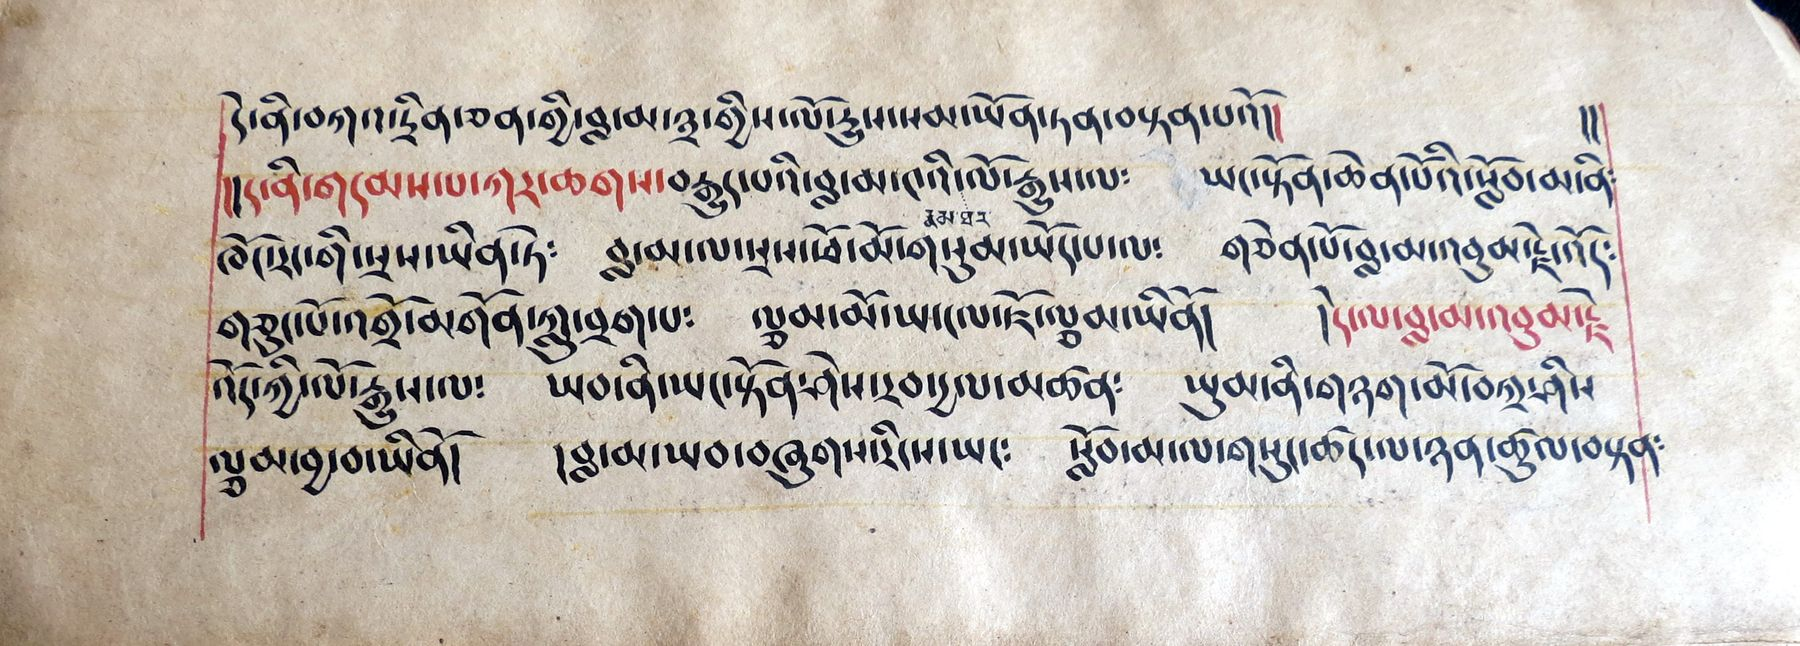དེ་ནི་བཀའ་དྲིན་ཅན་གྱི་བླ་མ་གསུམ་གྱི་ལོ་རྒྱུས་སམ་ཡོན་ཏན་བསྟན་པའོ།། །།
ད་ནི་གདམས་པ་དཀར་ཆག་བརྒྱུད་པའི་བླ་མ་བཞི་ཡི་རྣམ་ཐར་ལོ་རྒྱུས་ལ། ཡང་སྟོན་ཆེན་པོའི་སློབ་མ་ནི་
ཁོང་རང་གི་སྲས་ཡིན་ཏེ། བླ་མ་ལ་སྲས་ཕོ་མོ་གསུམ་ཡོད་པ་ལ། གཅེན་པོ་བླ་མ་འབུམ་རྗེ་འོད། 
གཅུང་པོ་འགྲོ་མགོན་ཀླུ་བྲག་པ། ལྕམ་མོ་ཡ་ངལ་ཇོ་ལྕམ་ཡིན་ནོ། དེ་ལ་བླ་མ་འབུམ་རྗེ་
འོད་ཀྱི་ལོ་རྒྱུས་ལ། ཡབ་ནི་ཡང་སྟོན་ཤེས་རབ་རྒྱལ་མཚན་དང་། ཡུམ་ནི་གཉག་༼གཉན༽མོ་བཀྲ་ཤིས་
ལྕམ་བྱ་བ་ཡིན་ནོ། བླ་མ་ཡབ་བཞུགས་རིང་ཡང་། སློབ་མ་ལ་གསུང་ཚད་ལ་ཉན་ཚུལ་བསྟན།